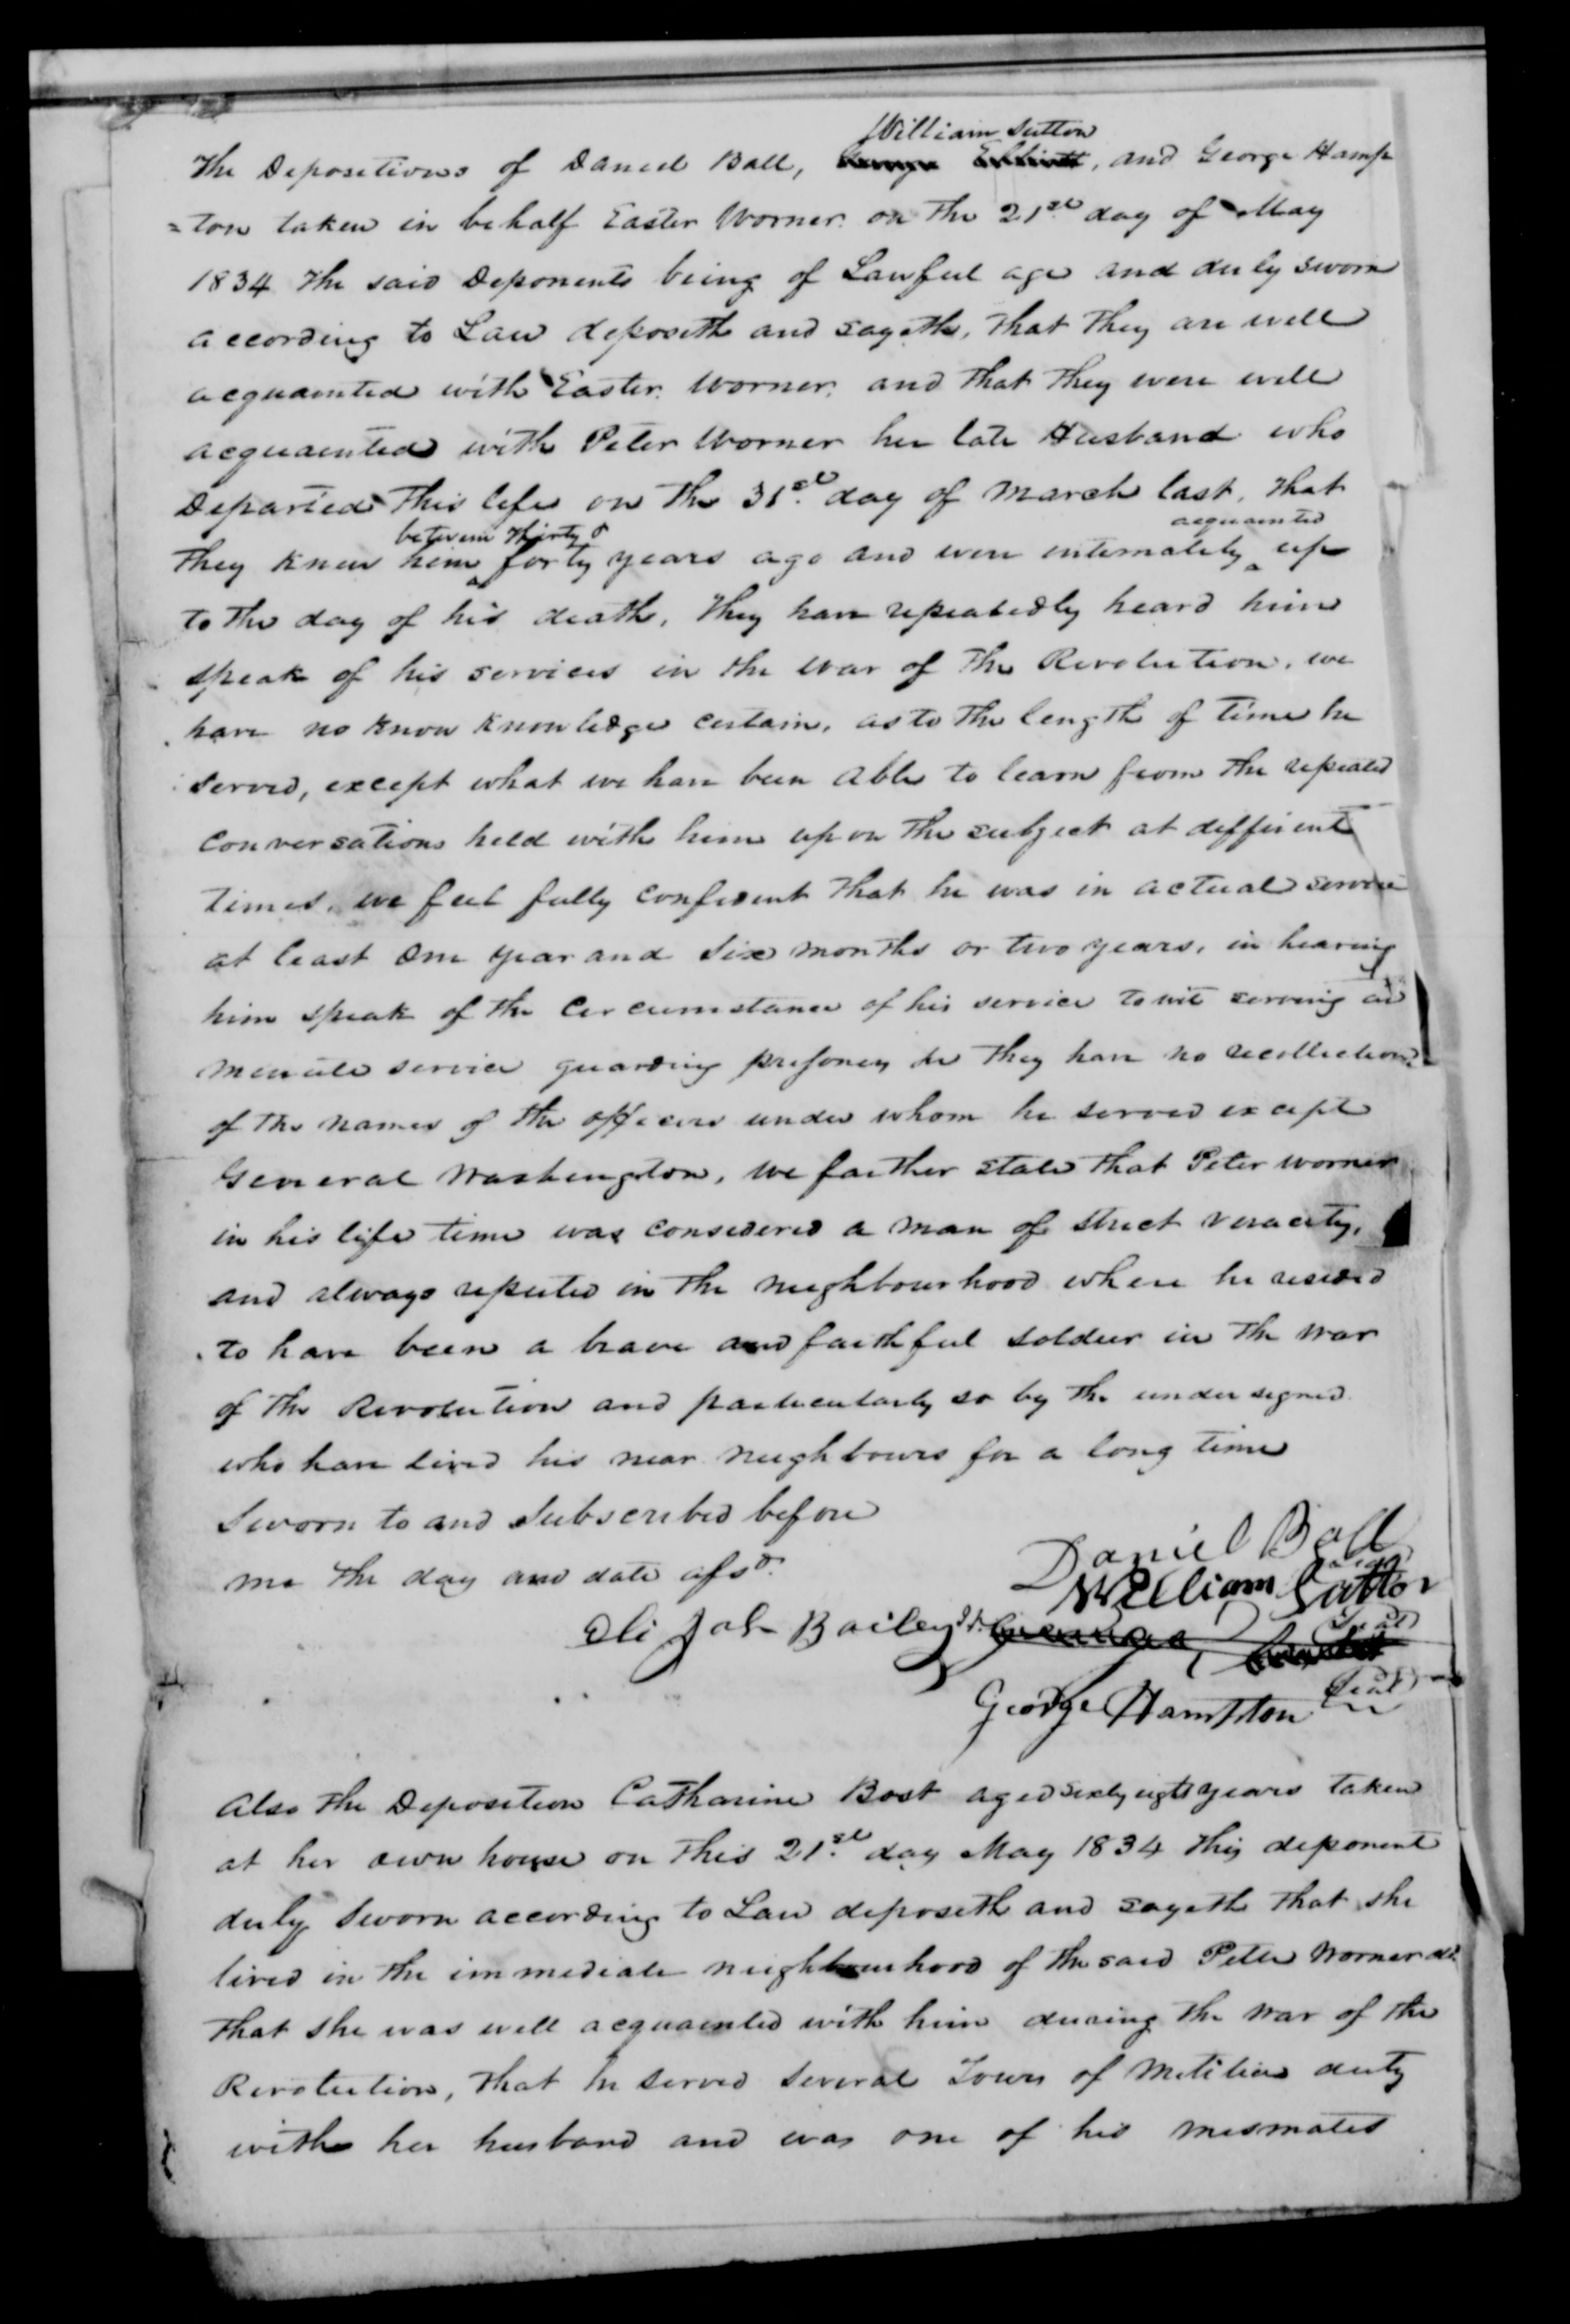The Depositions of Daniel Ball, William Sutton, and George Hampton
taken in behalf Easter Worner on the 21st day of May
1834 The said Deponents being of Lawful age and duly sworn
according to Law deposeth and sayeth, that they are well 
acquainted with Easter Worner, and that they were well
acquainted with Peter Worner her late Husband who
Departed this life on the 31st day of March last, That
they knew him between thirty & forty years ago and were intimately acquainted up
to the day of his death. They have repeatedly heard him
speak of his services in the war of the Revolution, we
have no know knowledge certain, as to the length of time he
served, except what we have been able to learn from the repeated
conversations held with him upon the subject at different
times, we feel fully confident that he was in actual service
at least one year and six months or two years, in hearing
him speak of the circumstances of his service to wit serving as
minute service guarding prisoners & they have no recollection 
of the names of the officers under whom he served except
General Washington, we farther state that Peter Worner
in his life time was considered a man of strict veracity,
and always reputed in the neighbourhood where he resided
to have been a brave and faithful soldier in the war
of the Revolution and particularly so by the undersigned
who have lived his near neighbours for a long time
Daniel Ball
[hand drawn cloud inscribed with the word Seal]
William Sutton
[hand drawn cloud inscribed with the word Seal]
George Hampton
[hand drawn cloud inscribed with the word Seal]
Sworn to and Subscribed before
me the day and date afsd.
Elijah Bailey J.P.

Also the Deposition Catharine Bost aged sixty eight years taken 
at her own house on this 21st day May 1834 this deponent
duly Sworn according to Law deposeth and sayeth that she
lived in the immediate neighbourhood of the said Peter Worner and
that she was well acquainted with him during the war of the
Revolution, that he served several Tours of Militia duty
with her husband and was one of his mismates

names: Elijah Bailey, Daniel Ball, William Sutton, Washington, Catharine Bost, Easter Worner, Peter Worner, George Hampton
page: 7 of 14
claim: rejected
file: R 11149, Peter Worner, Md.